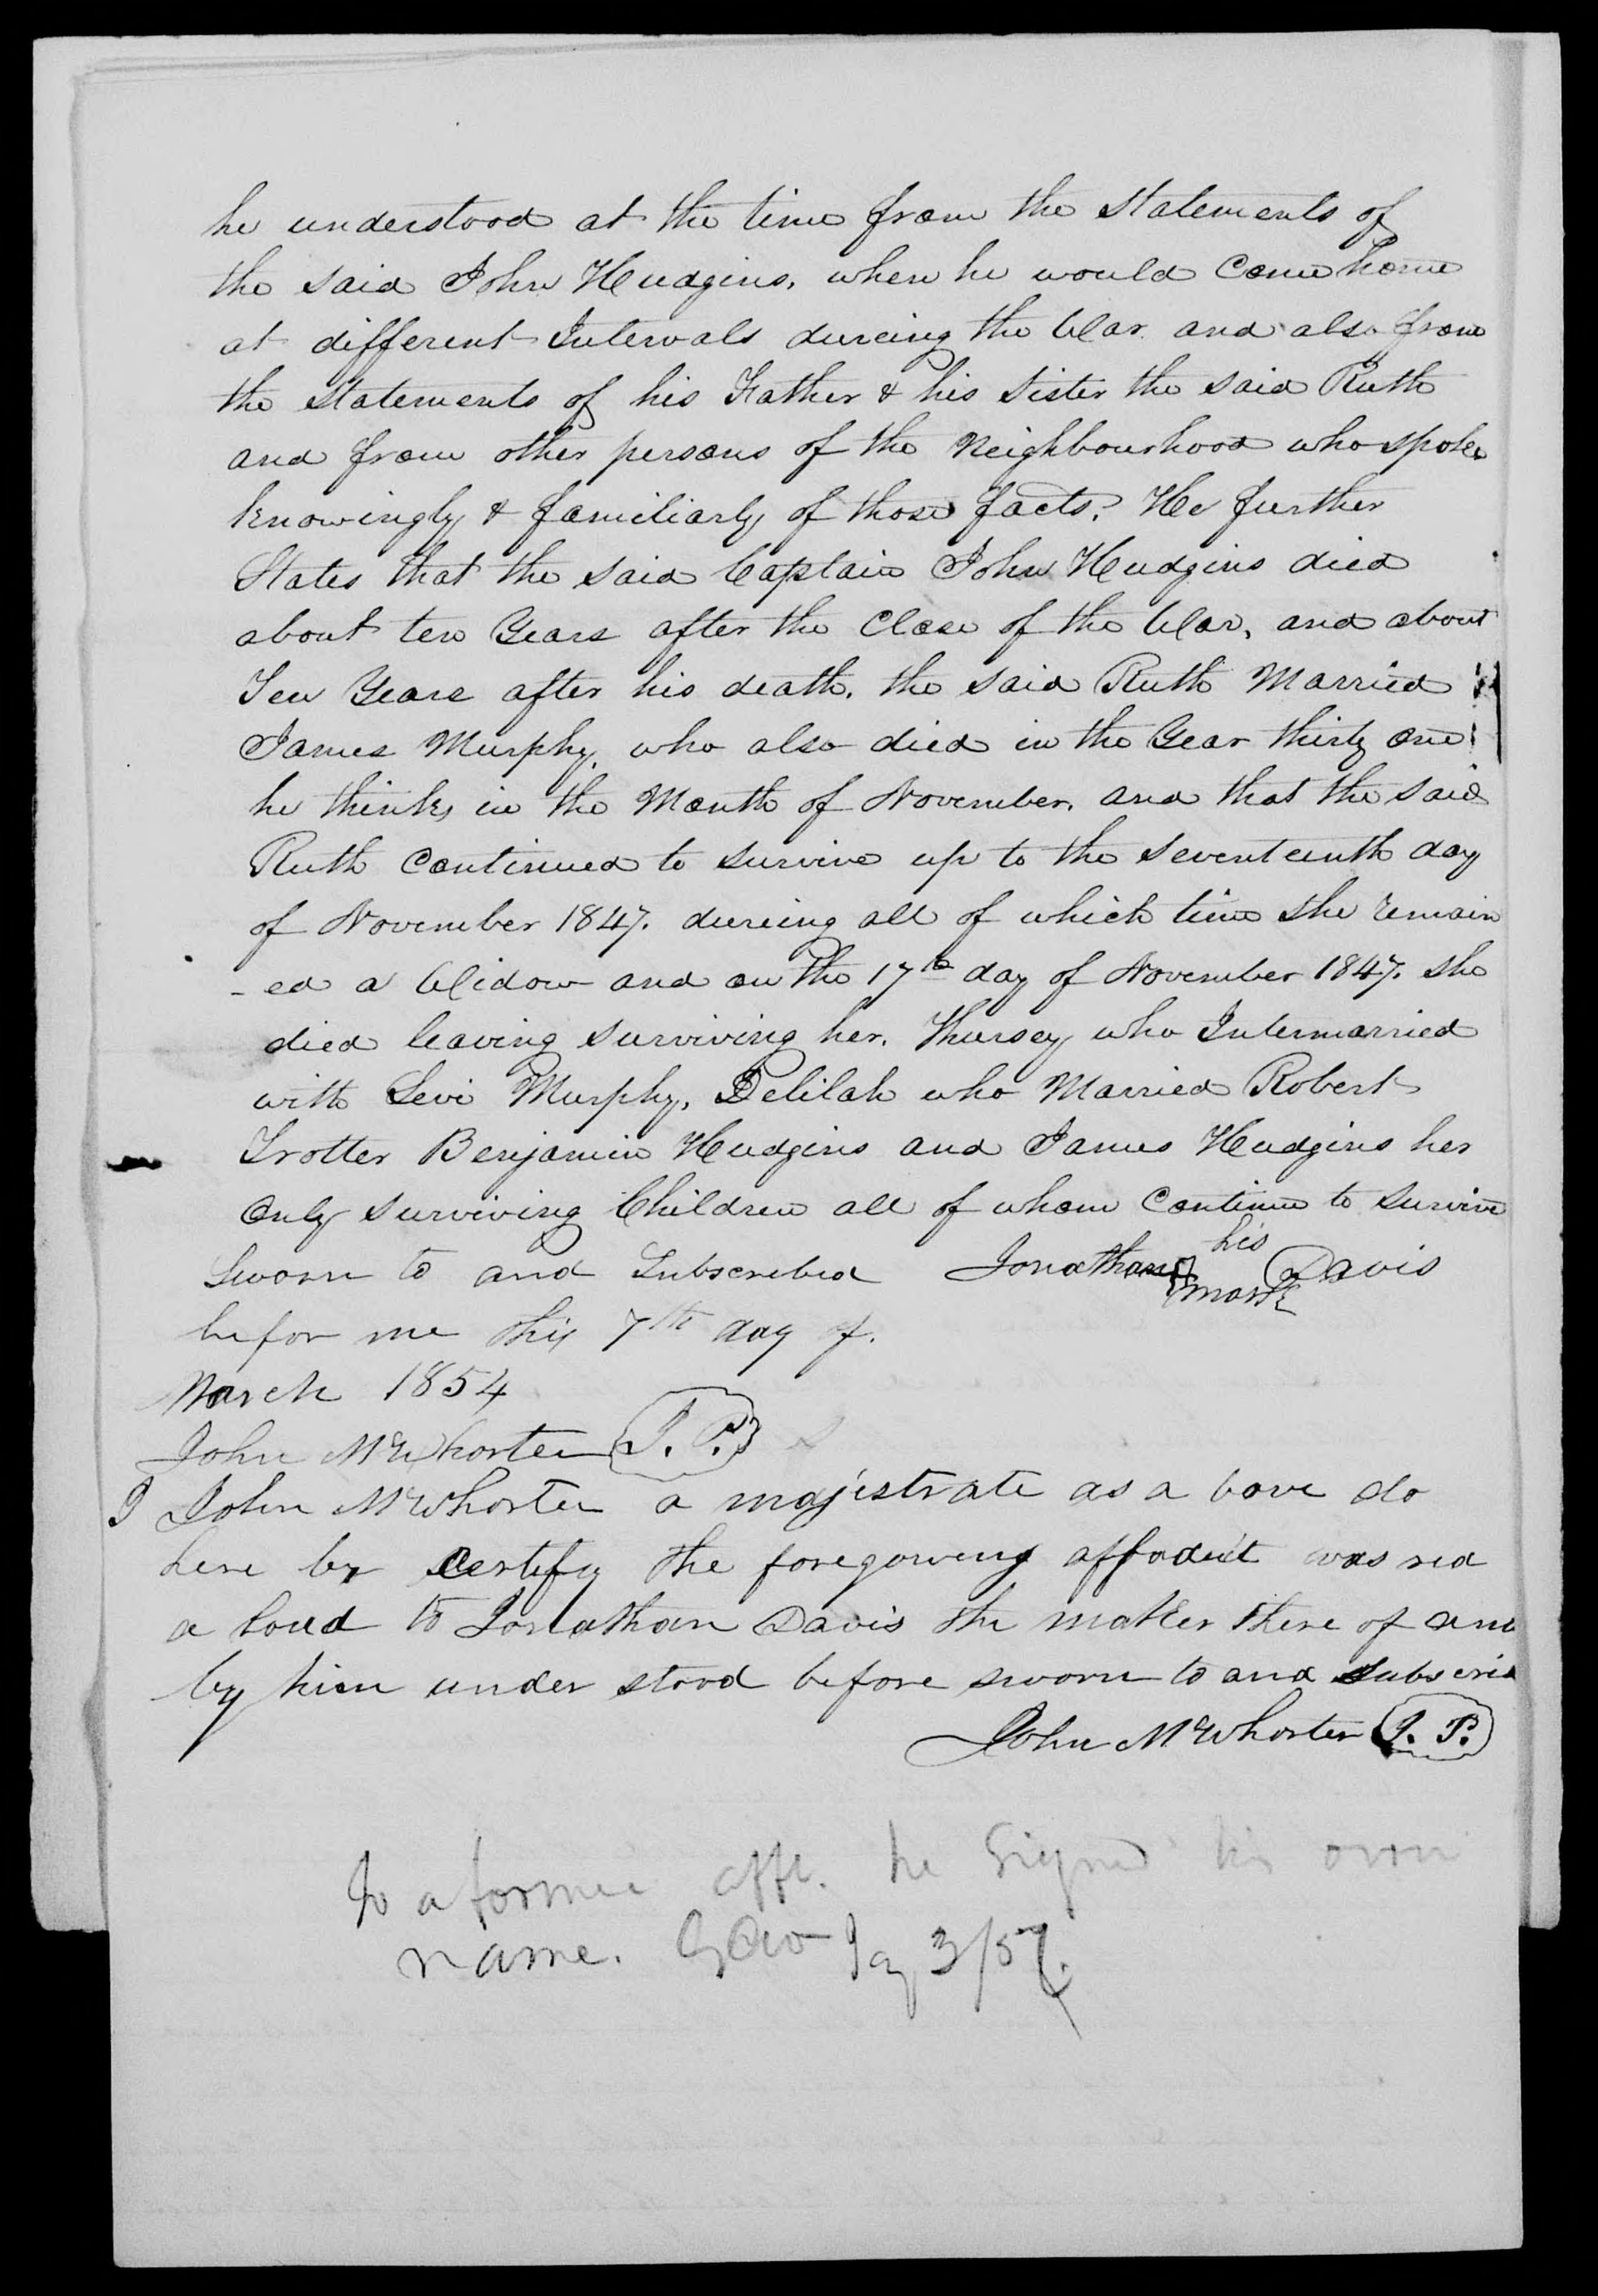he understood at this time from the states of the said John Hudgins, when he would come home at different intervals during the war and also from the statements of his Father & his sister the said Ruth and from other persons of the neighbourhood who spoke knowingly & familiarly of those facts. He further states that the said Captain John Hudgins died about ten years after the close of the war and about ten years after his death, the said Ruth married James Murphy who also died in the year thirty one. he thinks in the month of November and that the said Ruth continued to survive up to the seventeenth day of November 1847 during all of which time she remained a widow and on the 17th day of Novemeber 1847 she died leaving surviving her Thursey who intermarried with Levi Murphy, Delilah who married Robert Trotter, Benjamin Hudgins and James Hudgins has only surviving children all of whom continue to survive. Sworn to and subscribed before me this 7th day of March 1854 John M. Whorten J.P.     Jonathan Davis

I John M. Whorten a magistrate as above do hereby certify the foregoing affadavid was read aloud to Jonathan Davis in the matter there of signed by him understood before sworn to and subscribed. John M. Whorten J.P.

To a former affi, he signed his own name Jan 3/57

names: Levi Murphy, Jonathan Davis, John Mc Whorter, Robert Trotter, Ruth, Benjamin Hudgins, John Hudgins, James Murphy, Delilah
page: 81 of 108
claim: rejected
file: R. 7,515, John Hudgins, N.C.